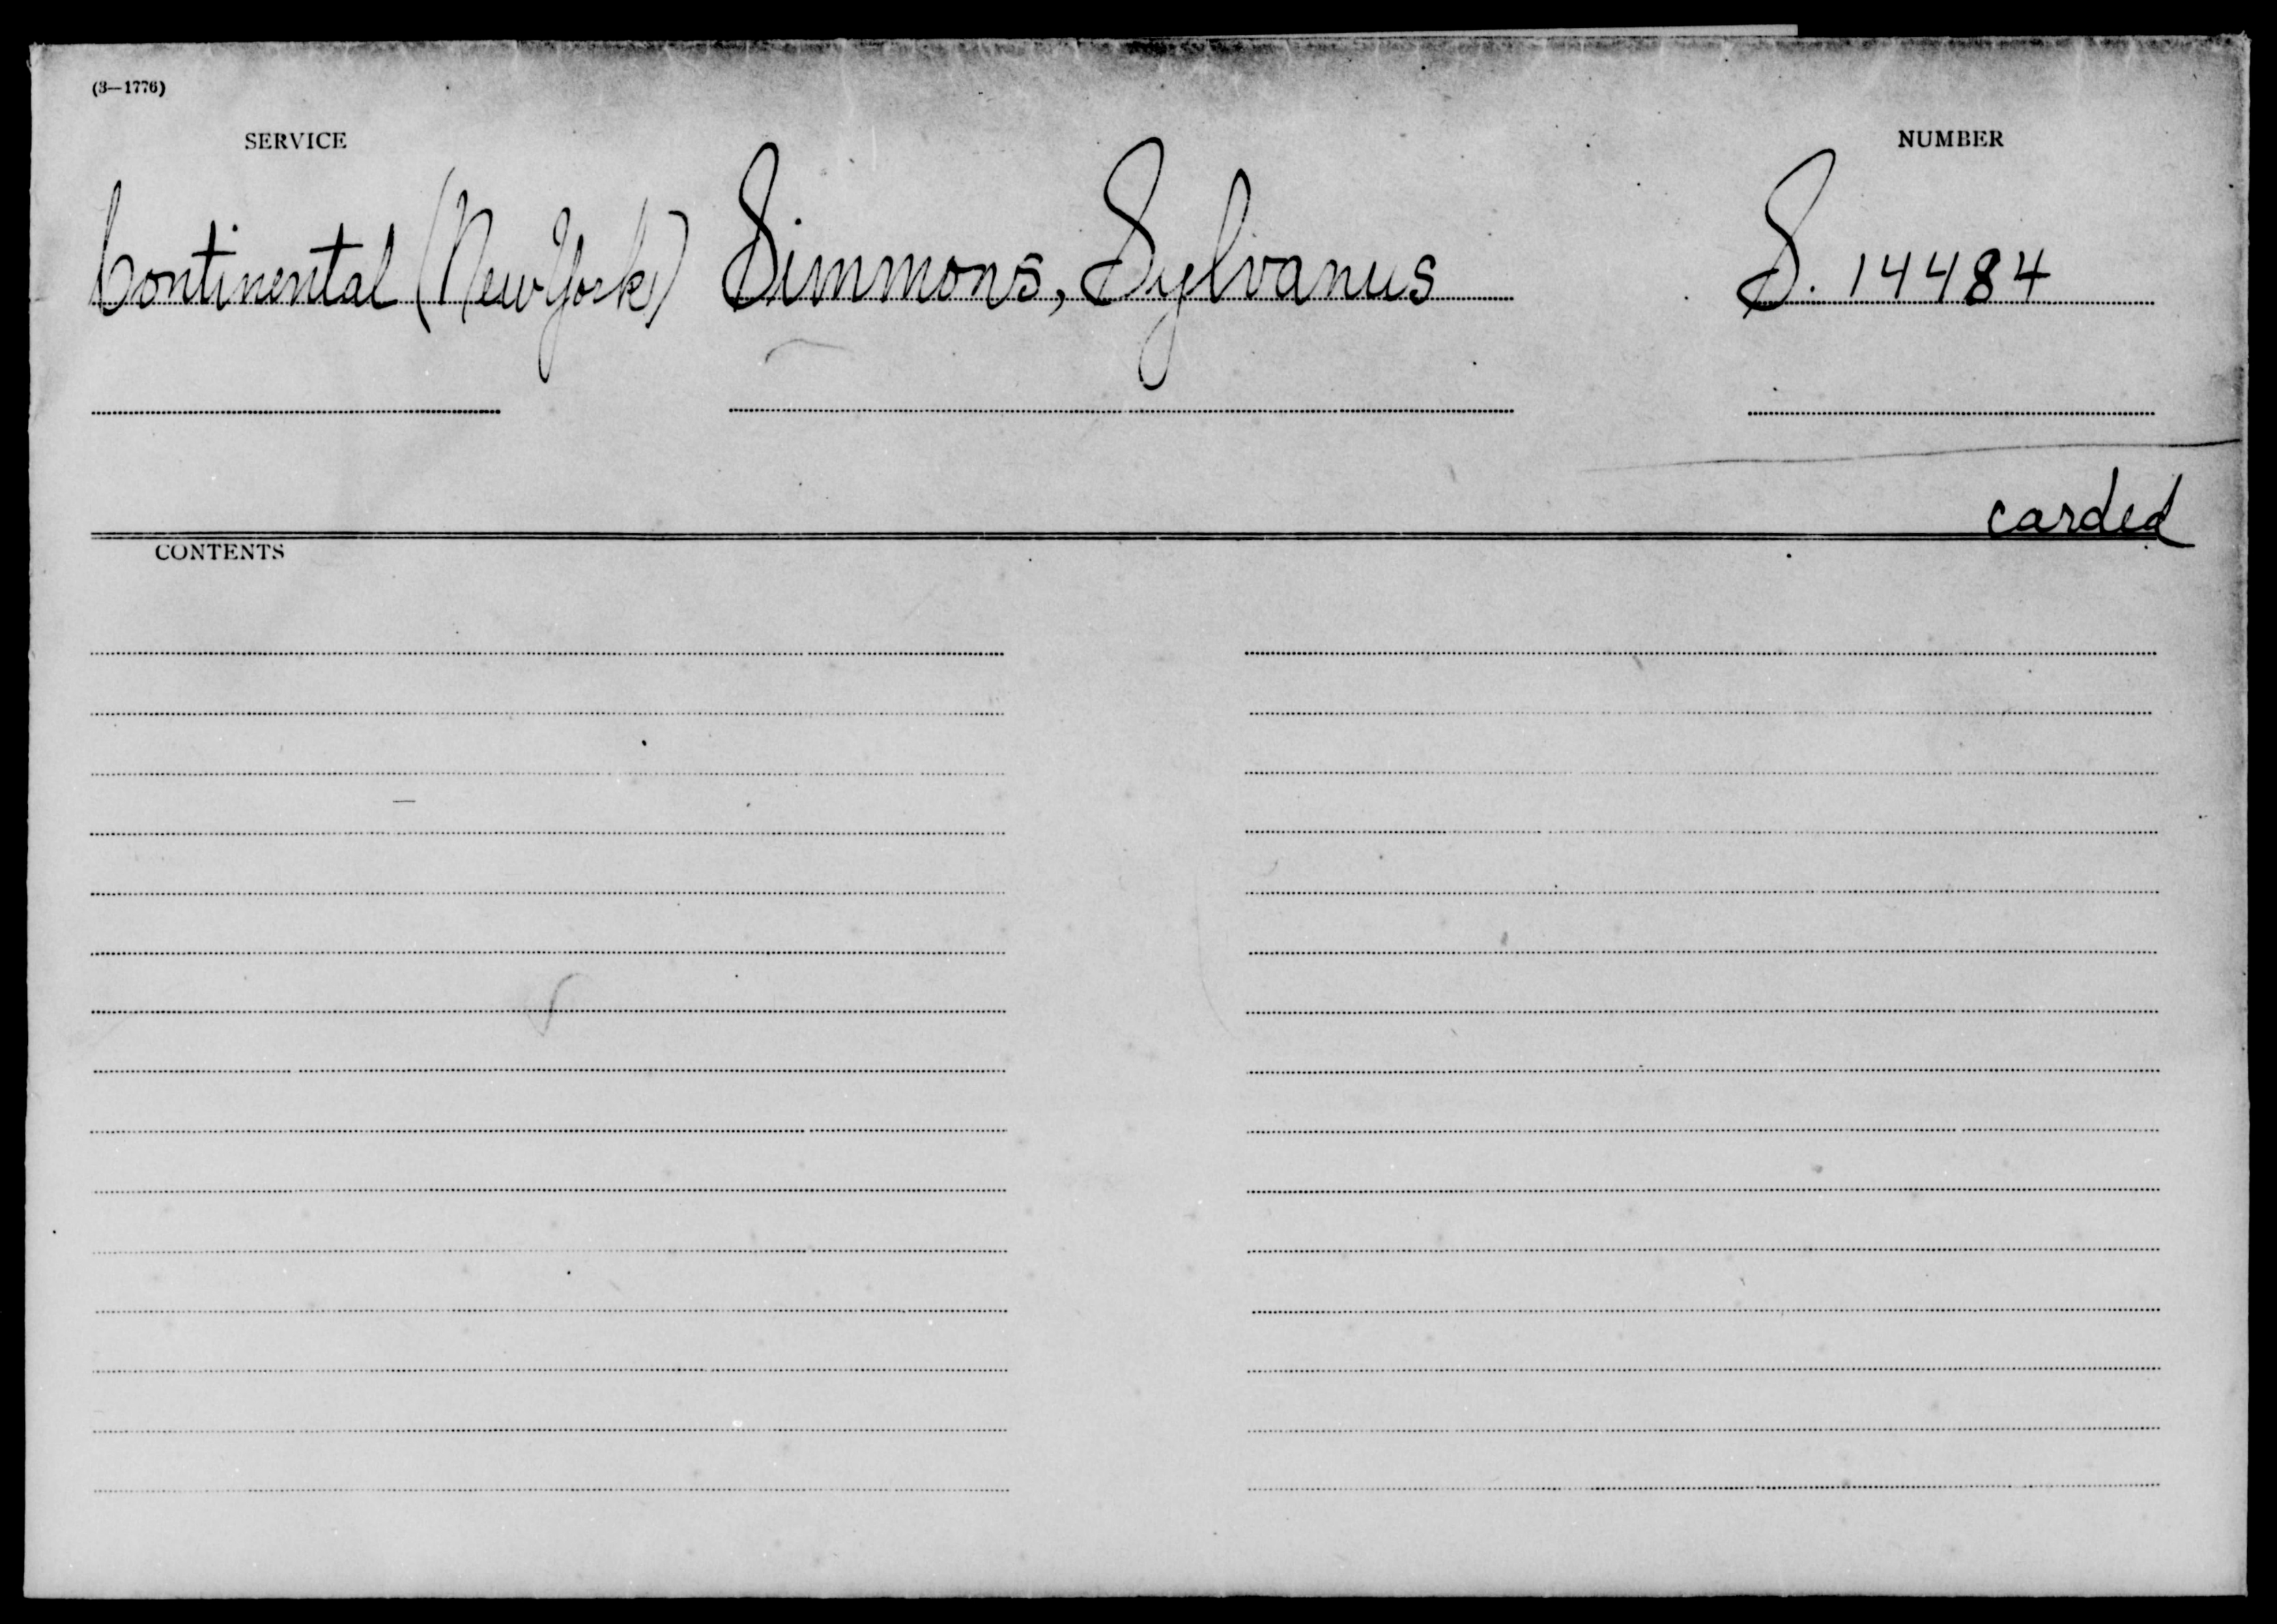(3 - 1776)
SERVICE
Continental (New York) Simmons, Sylvanus
NUMBER
S. 14484
carded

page: 1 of 31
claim: survivor's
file: S. 14484, for Sylvanus Simmons, New York